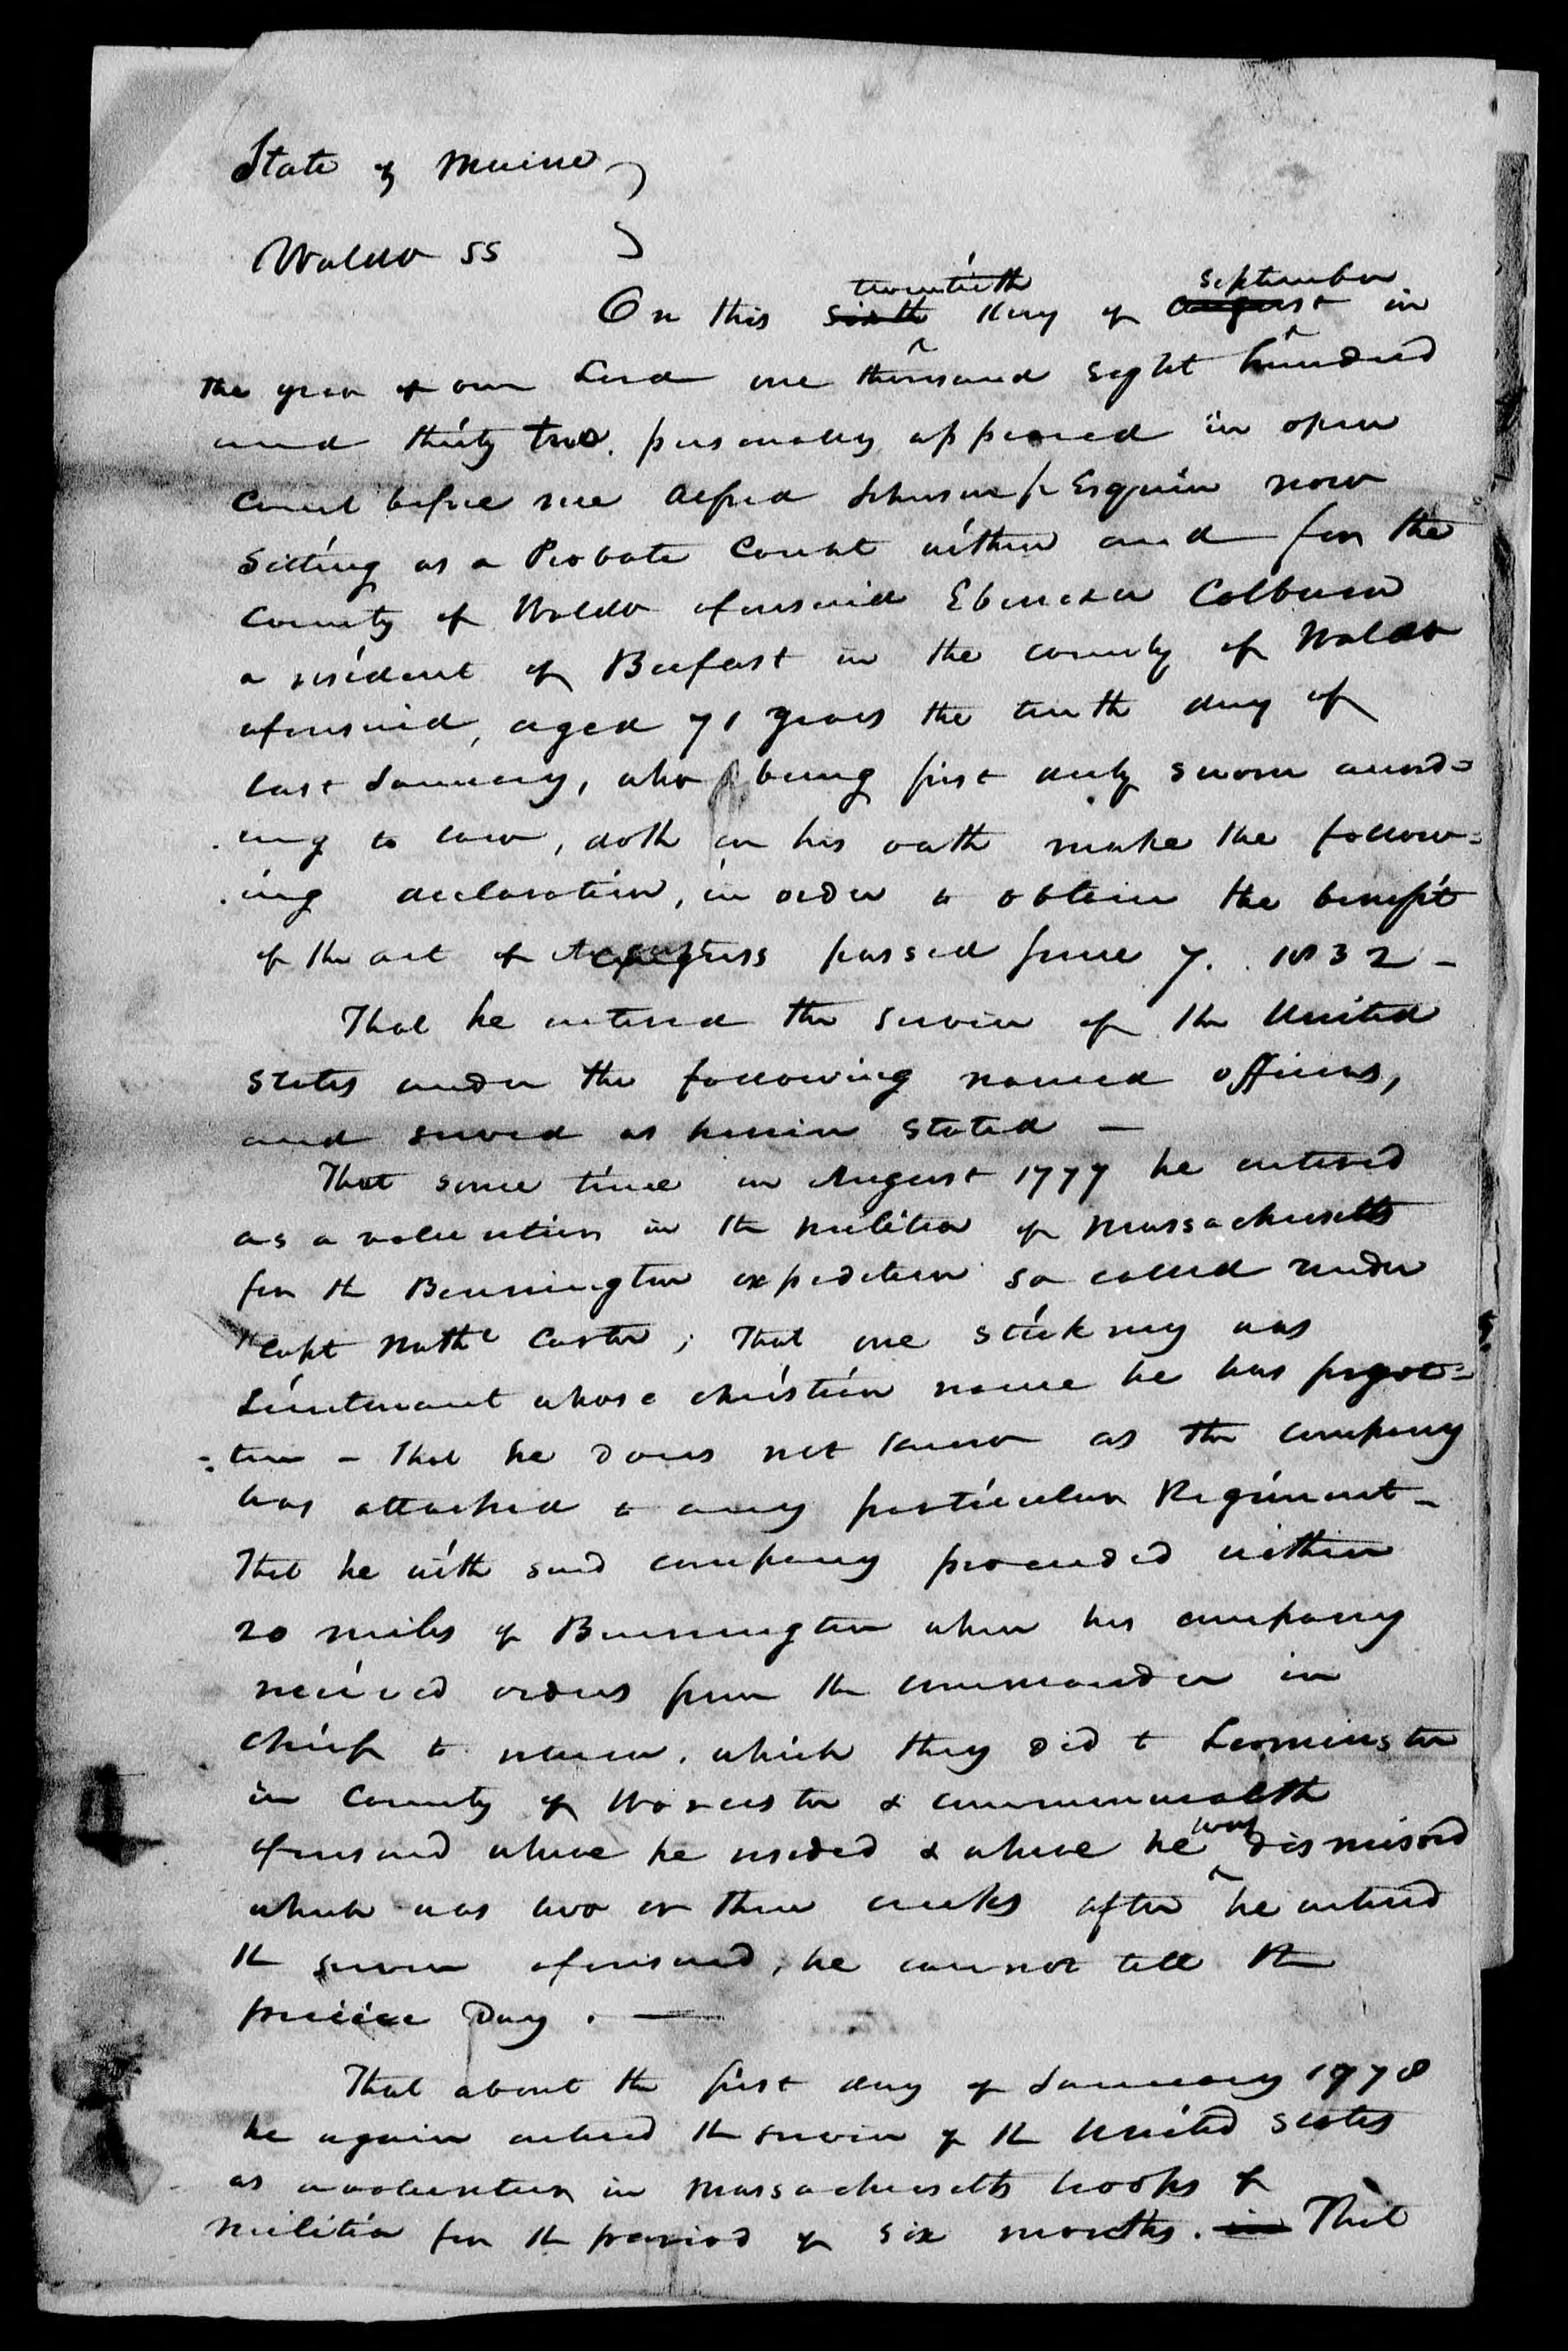State of Maine
Waldo SS

On this twentieth day of September
the year of our Lord one thousand eight hundred
and thirty two personally appeared in open
Court before me Alfred Johnson thus esquire now
setting as a Probate Court within and for the
County of Waldo aforesaid Ebenezar Colburn
a resident of Belfast in the County of Waldo
aforesaid, aged 71 years the tenth day of
last son, who being first duly sworn and accord
ing to law, doth on his oath make the follow
ing declaration, in order to obtain the benefit
of the act of congress passed June 7. 1832 -
That he entered the service of the United States
under the following named officers,
and served as herein stated
---
That some time in August 1777 he entered
as a voluntier in the [illegible]
of Massachusetts
for the Bennington expedition so called under
Capt nathl Custer; that [illegible] was
Lieutenant whose christian name he has forgotten
- That he does not know as the company
was attached to any particular Regiment.
That he with said company proceeded within
20 miles of Bennington when his company
received orders from the commander in
chief to return, which they did to Leominster
in County of Worcester & Commonwealth
foresaid where he resided & where he dismissed
which was two or three weeks after he entered
[illegible] servicw aforesaid, he cannot tell the
precise day
That about the first day of January 1778
he again entered the service of the United States
as a volunteer in Massachusetts troops to
militia for the period of six months. That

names: Alfred Johnson, Ebenezer Colburn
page: 5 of 10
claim: survivor's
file: S. 29083, Ebenezer Colburn, Mass.